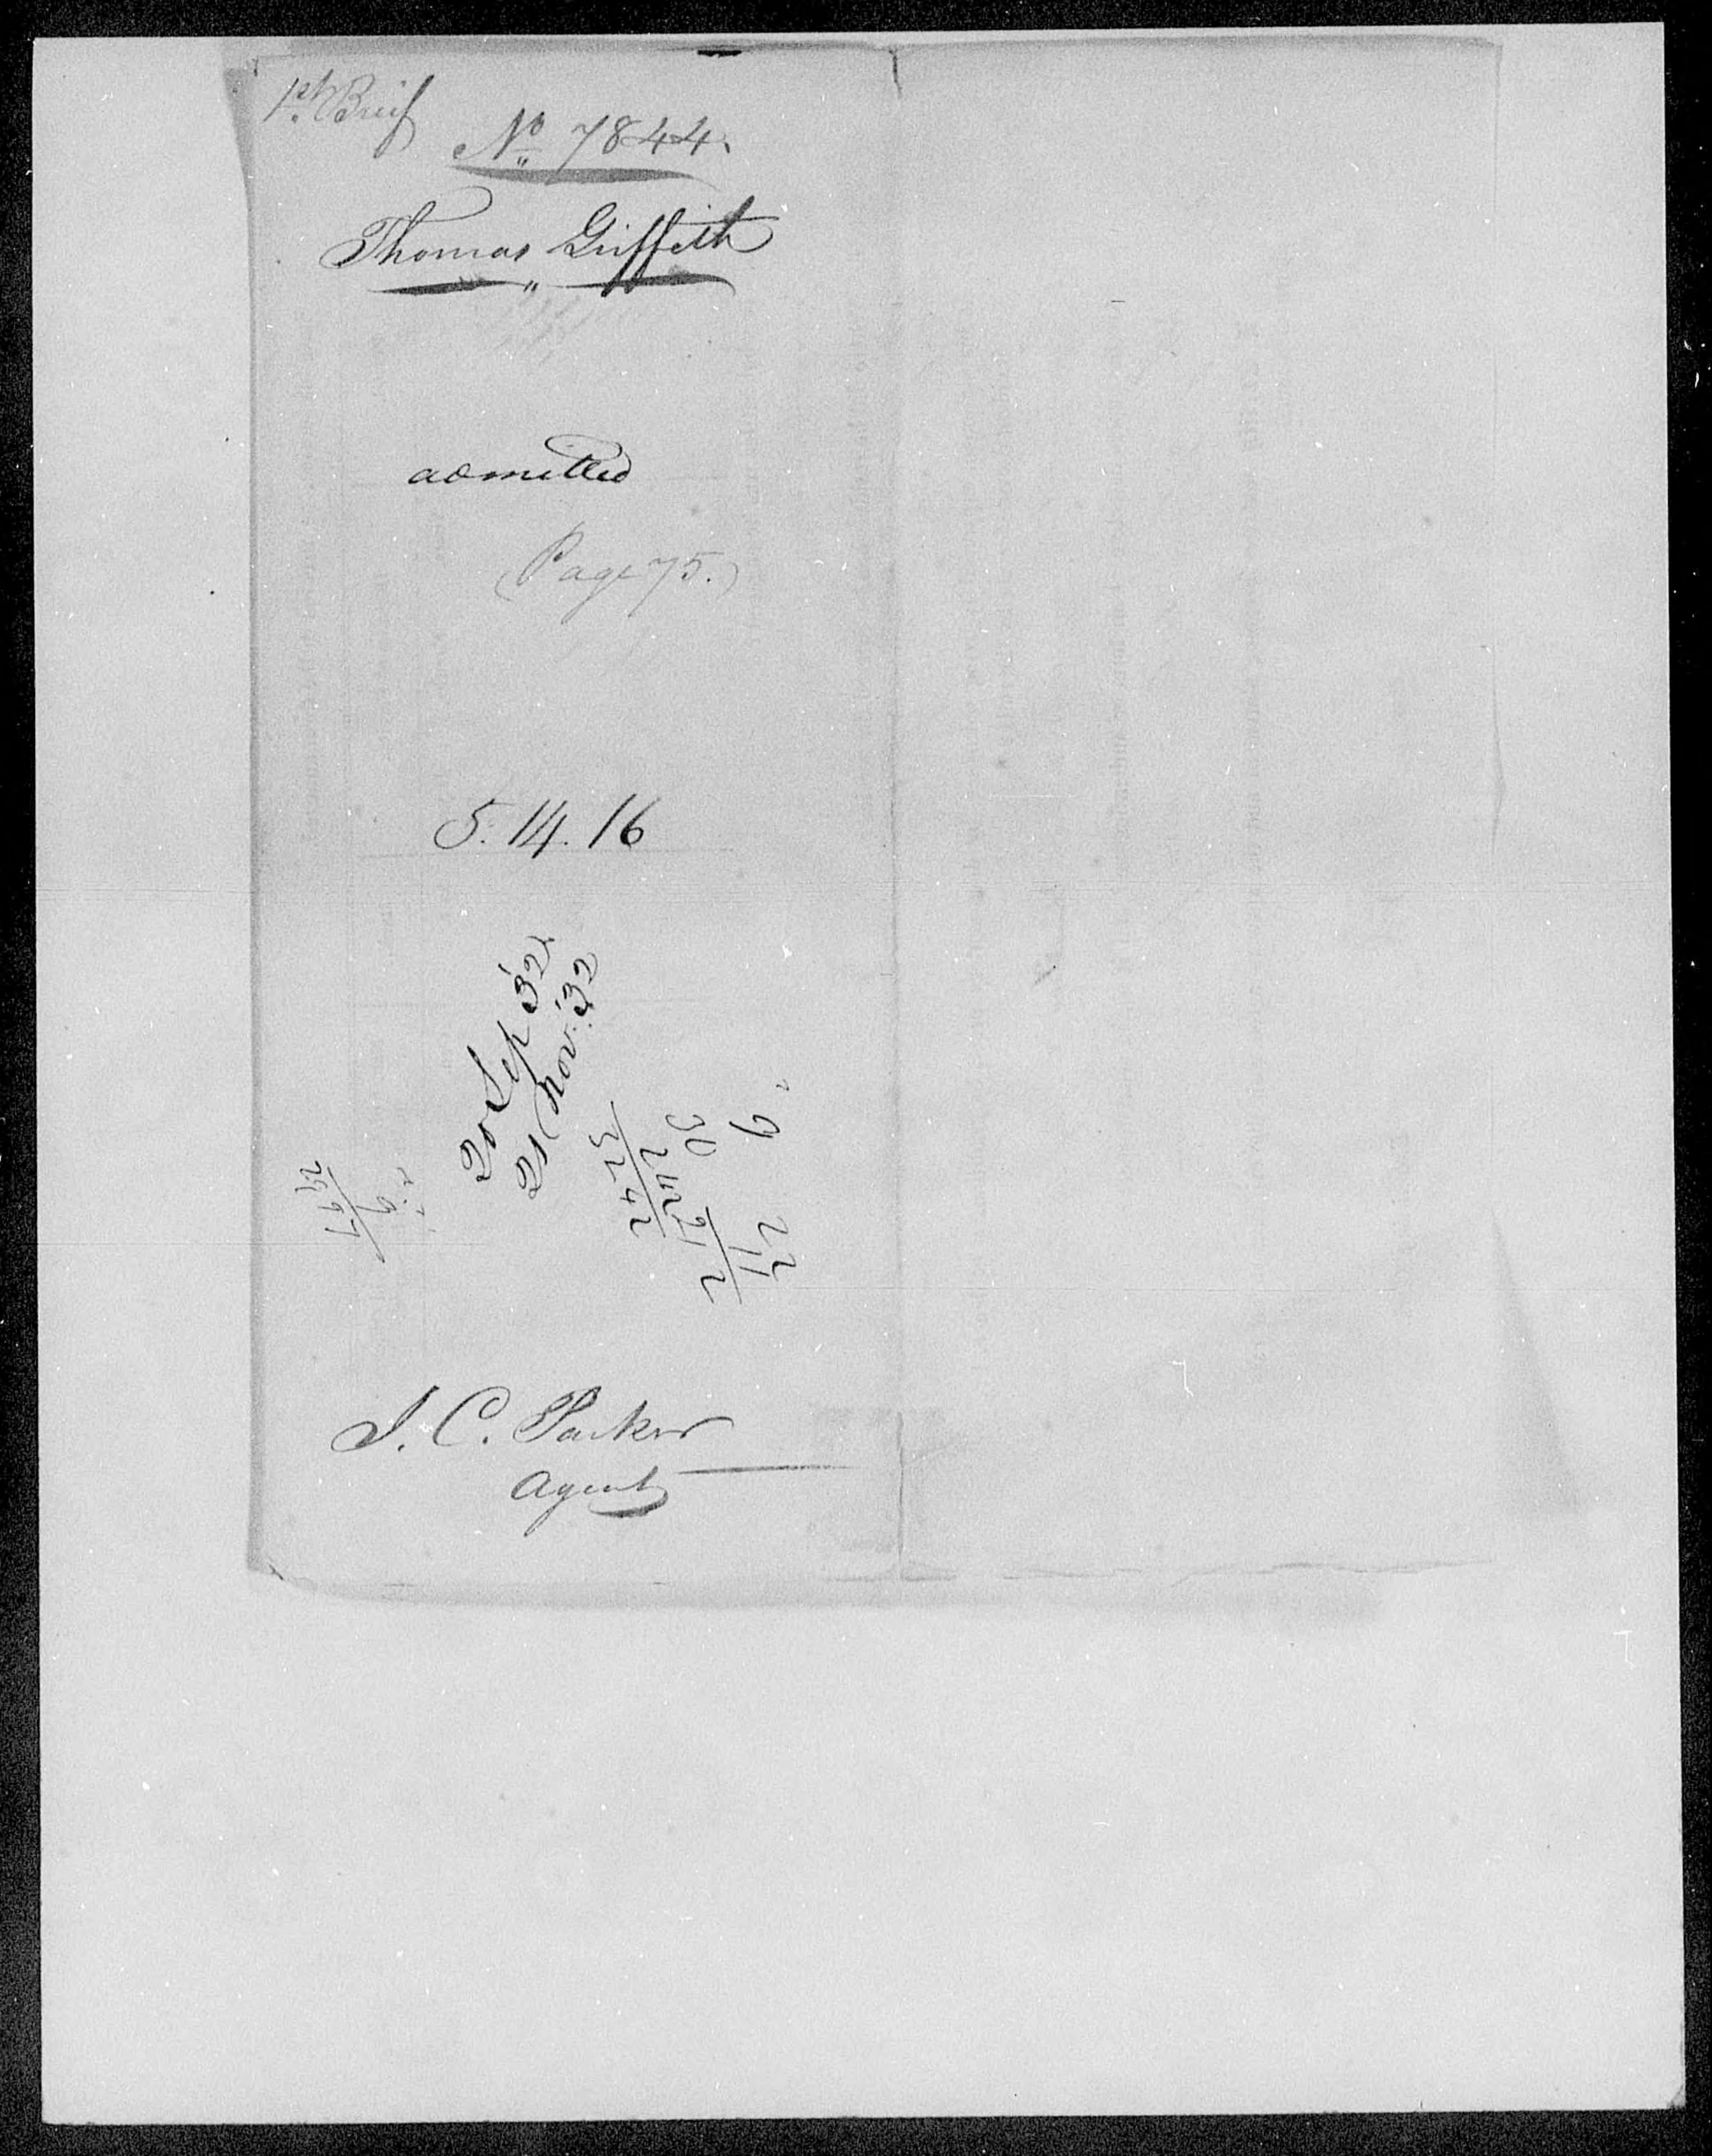1st Brief
No. 7844
Thomas Griffith
admitted
Page 75.
5.14.16

20 Sep 32
21 Nov 32
.
J.C. Parker
Agent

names: J C Parker, Thomas Griffith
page: 11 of 14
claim: survivor's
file: S. 23663, Thomas Griffith, New York Vt.